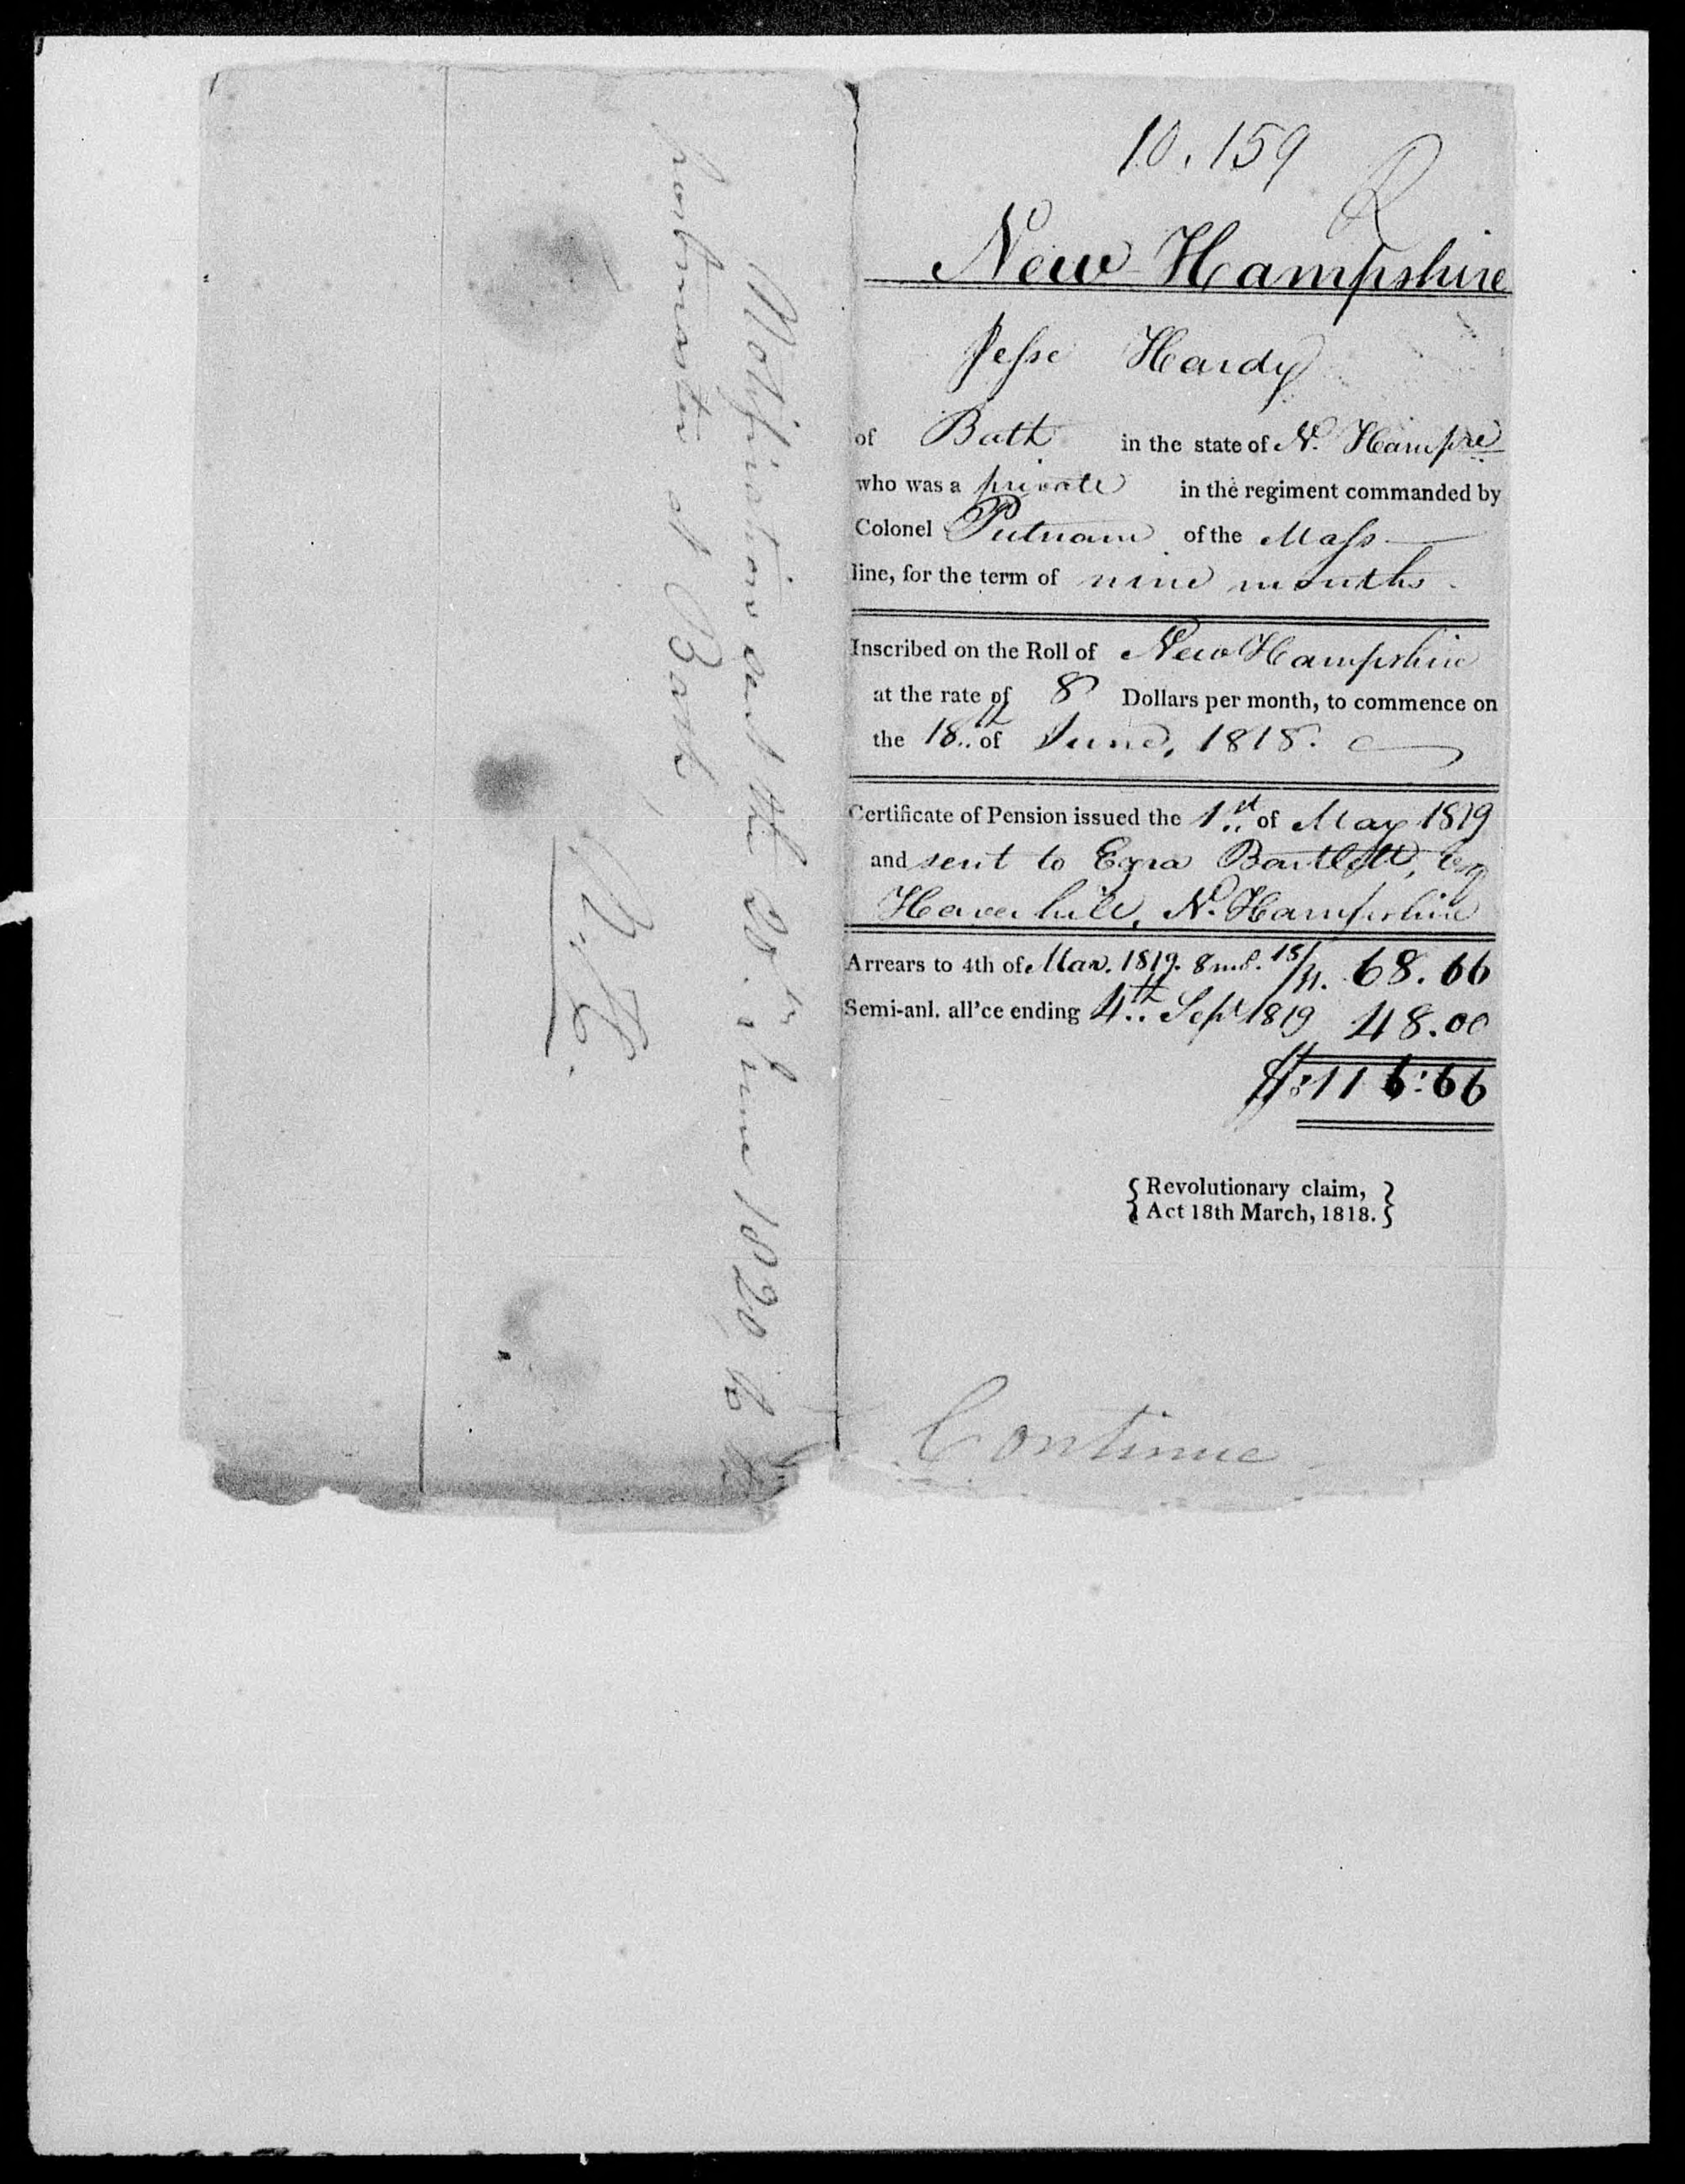Notification sent this 20th June 1820
**master at Bath


10, 159
New Hampshire
Jesse
Hardy
of Bath in the State of N. Hampshire
who was a private
in the regiment commanded by
Colonel Putnam of the Mass
line, for the term of nine months
Inscribed on the Roll of New Hampshire
at the rate of
8 Dollars per month, to commence on
the 18 of June, 1818.
Certificate of Pension issued the 1st of May 1819
and sent to Ezra Bartlett Esq
Haverhill, N. Hampshire
-
Arrears to 4th of Mar. 1819 8 month 15/11. 68.66
Semi-anl. all'ce ending 4th Sept 1819 48.00
$116.65
{ Revolutionary claim,
Act 18th March, 1818.}

Continue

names: Putnam, Ezra Bartlett, Jesse Hardy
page: 2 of 67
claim: widow's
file: W. 23183, Jesse Hardy, Mass.